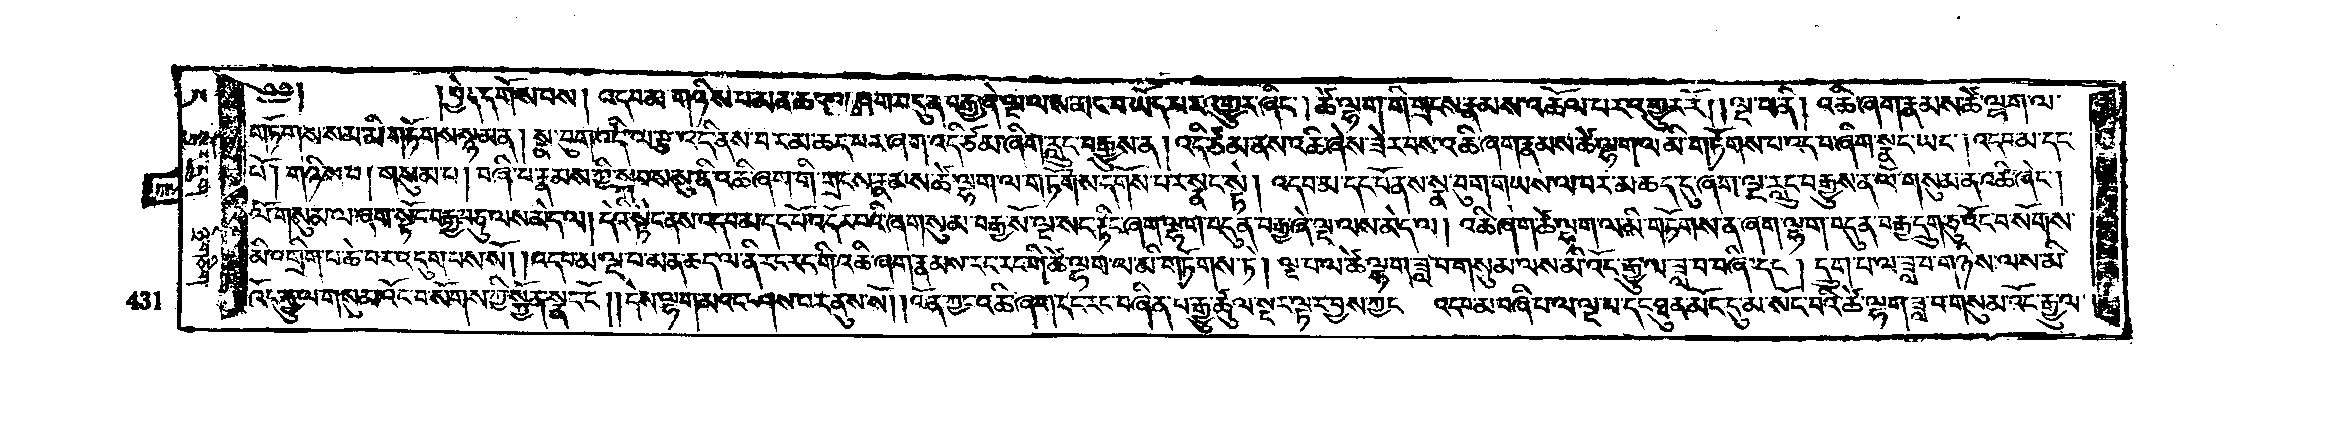༄༅། །བྱེད་དགོས་པས། འདབ་མ་གཉིས་པ་མན་ཆད་ལ་བཞག་བདུན་བརྒྱ་ཞེ་ལྔ་ལས་མང་བ་ཡོད་པར་འགྱུར་ཞིང་། ཚེ་ལྷག་གི་གྲངས་རྣམས་འཆོལ་པར་འགྱུར་རོ། །ལྔ་པ་ནི། འཆི་ཞག་རྣམས་ཚེ་ལྷག་ལ་
གཏོགས་སམ་མི་གཏོགས་སྙམ་ན། སྣ་བུག་འདི་ལ་རྩ་འདི་ནས་བར་མ་ཆད་པར་ཞག་འདི་ཙམ་ཞིག་རླུང་བརྒྱུས་ན། འདི་ཙམ་ནས་འཆི་ཞེས་ཟེར་བས་འཆི་ཞག་རྣམས་ཚེ་ལྷག་ལ་མི་གཏོགས་པ་འདི་བ་ཞིག་སྣང་ཡང་། འདབ་མ་དང་
པོ། གཉིས་པ། གསུམ་པ། བཞི་པ་རྣམས་ཀྱི་སྐབས་སུ་ནི་འཆི་ཞག་གི་གྲངས་རྣམས་ཚེ་ལྷག་ལ་གཏོགས་དགོས་པར་སྣང་སྟེ། འདབ་མ་དང་པོ་ནས་སྣ་བུག་གཡས་ལ་བར་མ་ཆད་དུ་ཞག་ལྔ་རླུང་བརྒྱུས་ན་ལོ་གསུམ་ན་འཆི་ཞིང་།
ལོ་གསུམ་ལ་ཞག་སྟོང་བརྒྱ་བཅུ་ལས་མེད་ལ། དེའི་སྟེང་ནས་འདབ་མ་དང་པོ་འདོར་བའི་ཞག་སུམ་བརྒྱ་སོ་ལྔ་སང་རྟིང་ཞག་ལྷག་བདུན་བརྒྱ་ཞེ་ལྔ་ལས་མེད་ལ། འཆི་ཞག་ཚེ་ལྷག་ལ་མི་གཏོགས་ན་ཞག་ལྷག་བདུན་བརྒྱ་དྲུག་ཅུ་འོང་བ་སོགས་
མི་འགྲིག་པ་ཆེ་བར་འདུག་པས་སོ། །འདབ་མ་ལྔ་པ་མན་ཆད་ལ་ནི་རང་རང་གི་འཆི་ཞག་རྣམས་རང་རང་གི་ཚེ་ལྷག་ལ་མི་གཏོགས་ཏེ། ལྔ་པ་ལ་ཚེ་ལྷག་ཟླ་བ་གསུམ་ལས་མི་འོང་རྒྱུ་ལ་ཟླ་བ་བཞི་དང་། དྲུག་པ་ལ་ཟླ་བ་གཉིས་ལས་མི་
འོང་རྒྱུ་ལ་གསུམ་འོང་བ་སོགས་ཀྱི་སྐྱོན་སྣང་ངོ། །དེས་ལྷག་མའང་ཤེས་པར་ནུས་སོ། །འོན་ཀྱང་འཆི་ཞག་དང་རང་བཞིན་པ་རྒྱུ་ཚུལ་སྔར་ལྟར་བྱས་ཀྱང་འདབ་མ་བཞི་པ་ལ་ལྔ་པ་དང་ཐུན་མོང་དུ་མ་སོང་བའི་ཚེ་ལྷག་ཟླ་བ་གསུམ་འོང་རྒྱུ་ལ་